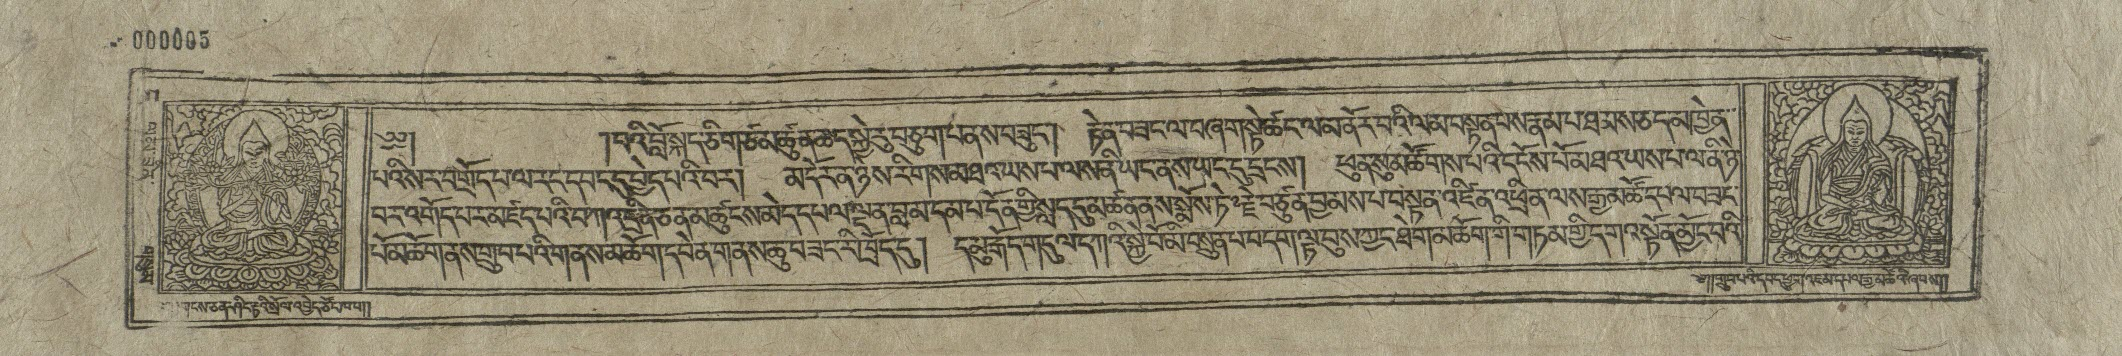་༄༅། །བའི་བློ་སྐད་ཅིག་ཙམ་ཚུན་ཆད་སྐྱེ་རུ་བཅུག་པ་ནས་བཟུང་། རྟེན་བཟང་ལ་བཞག་སྟེ་ཚང་ལ་མ་ནོར་བའི་ལམ་བསྟན་པས་རྣམ་པ་ཐམས་ཅད་མཁྱེན་
པའི་སར་བགྲོད་པ་ལ་རང་དབང་དུ་བྱེད་པའི་བར། མདོར་ན་ཉེས་རིགས་མཐའ་ཡས་པ་ལས་ནི་ཡང་ནས་ཡང་དུ་དྲངས། ཕུན་སུམ་ཚོགས་པའི་དངོས་པོ་མཐའ་ཡས་པ་ལ་ནི་ཉེ་
བར་འགོད་པར་མཛད་པའི་བཀའ་དྲིན་ཅན་མཚུངས་མེད་དཔལ་ལྡན་བླ་མ་དམ་པ་དོན་གྱི་སླད་དུ་མཚན་ནས་སྨོས་ཏེ་རྗེ་བཙུན་བྱམས་པ་བསྟན་འཛིན་འཕྲིན་ལས་རྒྱ་མཚོ་དཔལ་བཟང་
པོ་མཆོག་ནས་གྲུབ་པའི་གནས་མཆོག་དབེན་གནས་ཆུ་བཟང་རི་ཁྲོད་དུ། དམུ་རྒོད་གདུལ་དཀའི་སྐྱེ་བོ་མི་བསྲུན་པ་བདག་ལྟ་བུས་ཀྱང་ཐེག་མཆོག་གི་གཏམ་གྱི་དགའ་སྟོན་མྱོང་བའི་